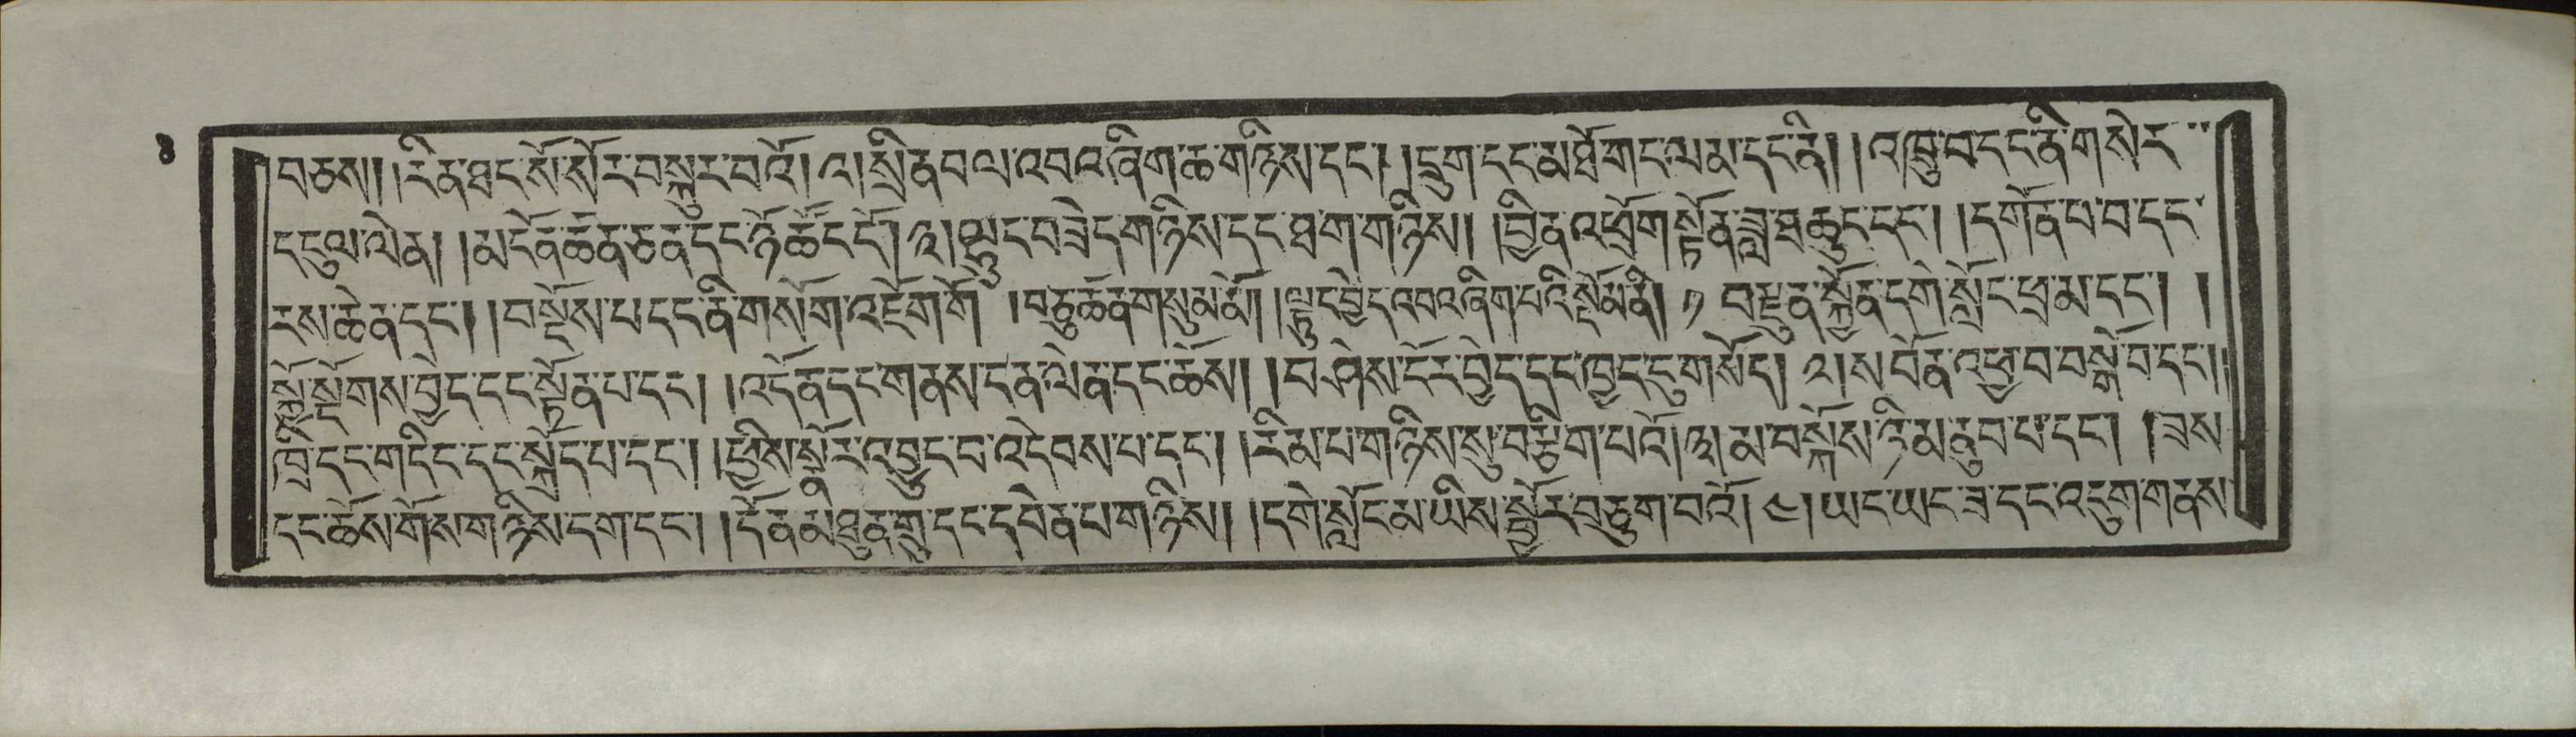བཅས། །རིན་ཐང་སོ་སོར་བསྐུར་བའོ། ༢་།སྲིན་བལ་འབའ་ཞིག་ཆ་གཉིས་དང་། །དྲུག་དང་མཐོ་གང་ལམ་དང་ནི། །འཁྲུ་བ་དང་ནི་གསེར་
དངུལ་ལེན། །མངོན་ཚན་ཅན་དང་ཉོ་ཚོང་ངོ། ༣་།ལྷུང་བཟེད་གཉིས་དང་ཐ་ག་གཉིས། །བྱིན་འཕྲོག་སྟོན་ཟླ་ཐ་ཆུང་དང་། །དགོན་པ་བ་དང་
རས་ཆེན་དང་། །བསྔོས་པ་དང་ནི་གསོག་འཇོག་གོ །བཅུ་ཚན་གསུམ་མོ། །ལྟུང་བྱེད་འབའ་ཞིག་པའི་སྡོམ་ནི། ༡་བརྫུན་སྐྱོན་དགེ་སློང་ཕྲ་མ་དང་། །
སྐྱོ་སྔོགས་བྱེད་དང་སྟོན་པ་དང་། །འདོན་དང་གནས་ངན་ལེན་དང་ཆོས། །བཤེས་ངོར་བྱེད་དང་ཁྱད་དུ་གསོད། ༢་།ས་བོན་འཕྱ་བ་བསྒོ་བ་དང།།
ཁྲི་དང་གདིང་དང་སྐྲོད་པ་དང་། །ཕྱིས་སྣོན་འབྱུང་བ་འདེབས་པ་དང་། །རིམ་པ་གཉིས་སུ་བརྩིག་པའོ། ༣་།མ་བསྐོས་ཉི་མ་ནུབ་པ་དང་། །ཟས་
དང་ཆོས་གོས་གཉིས་དག་དང་། །དོན་མཐུན་གྲུ་དང་དབེན་པ་གཉིས། །དགེ་སློང་མ་ཡིས་སྦྱོར་བཅུག་བའོ། ༤་།ཡང་ཡང་ཟ་དང་འདུག་གནས་